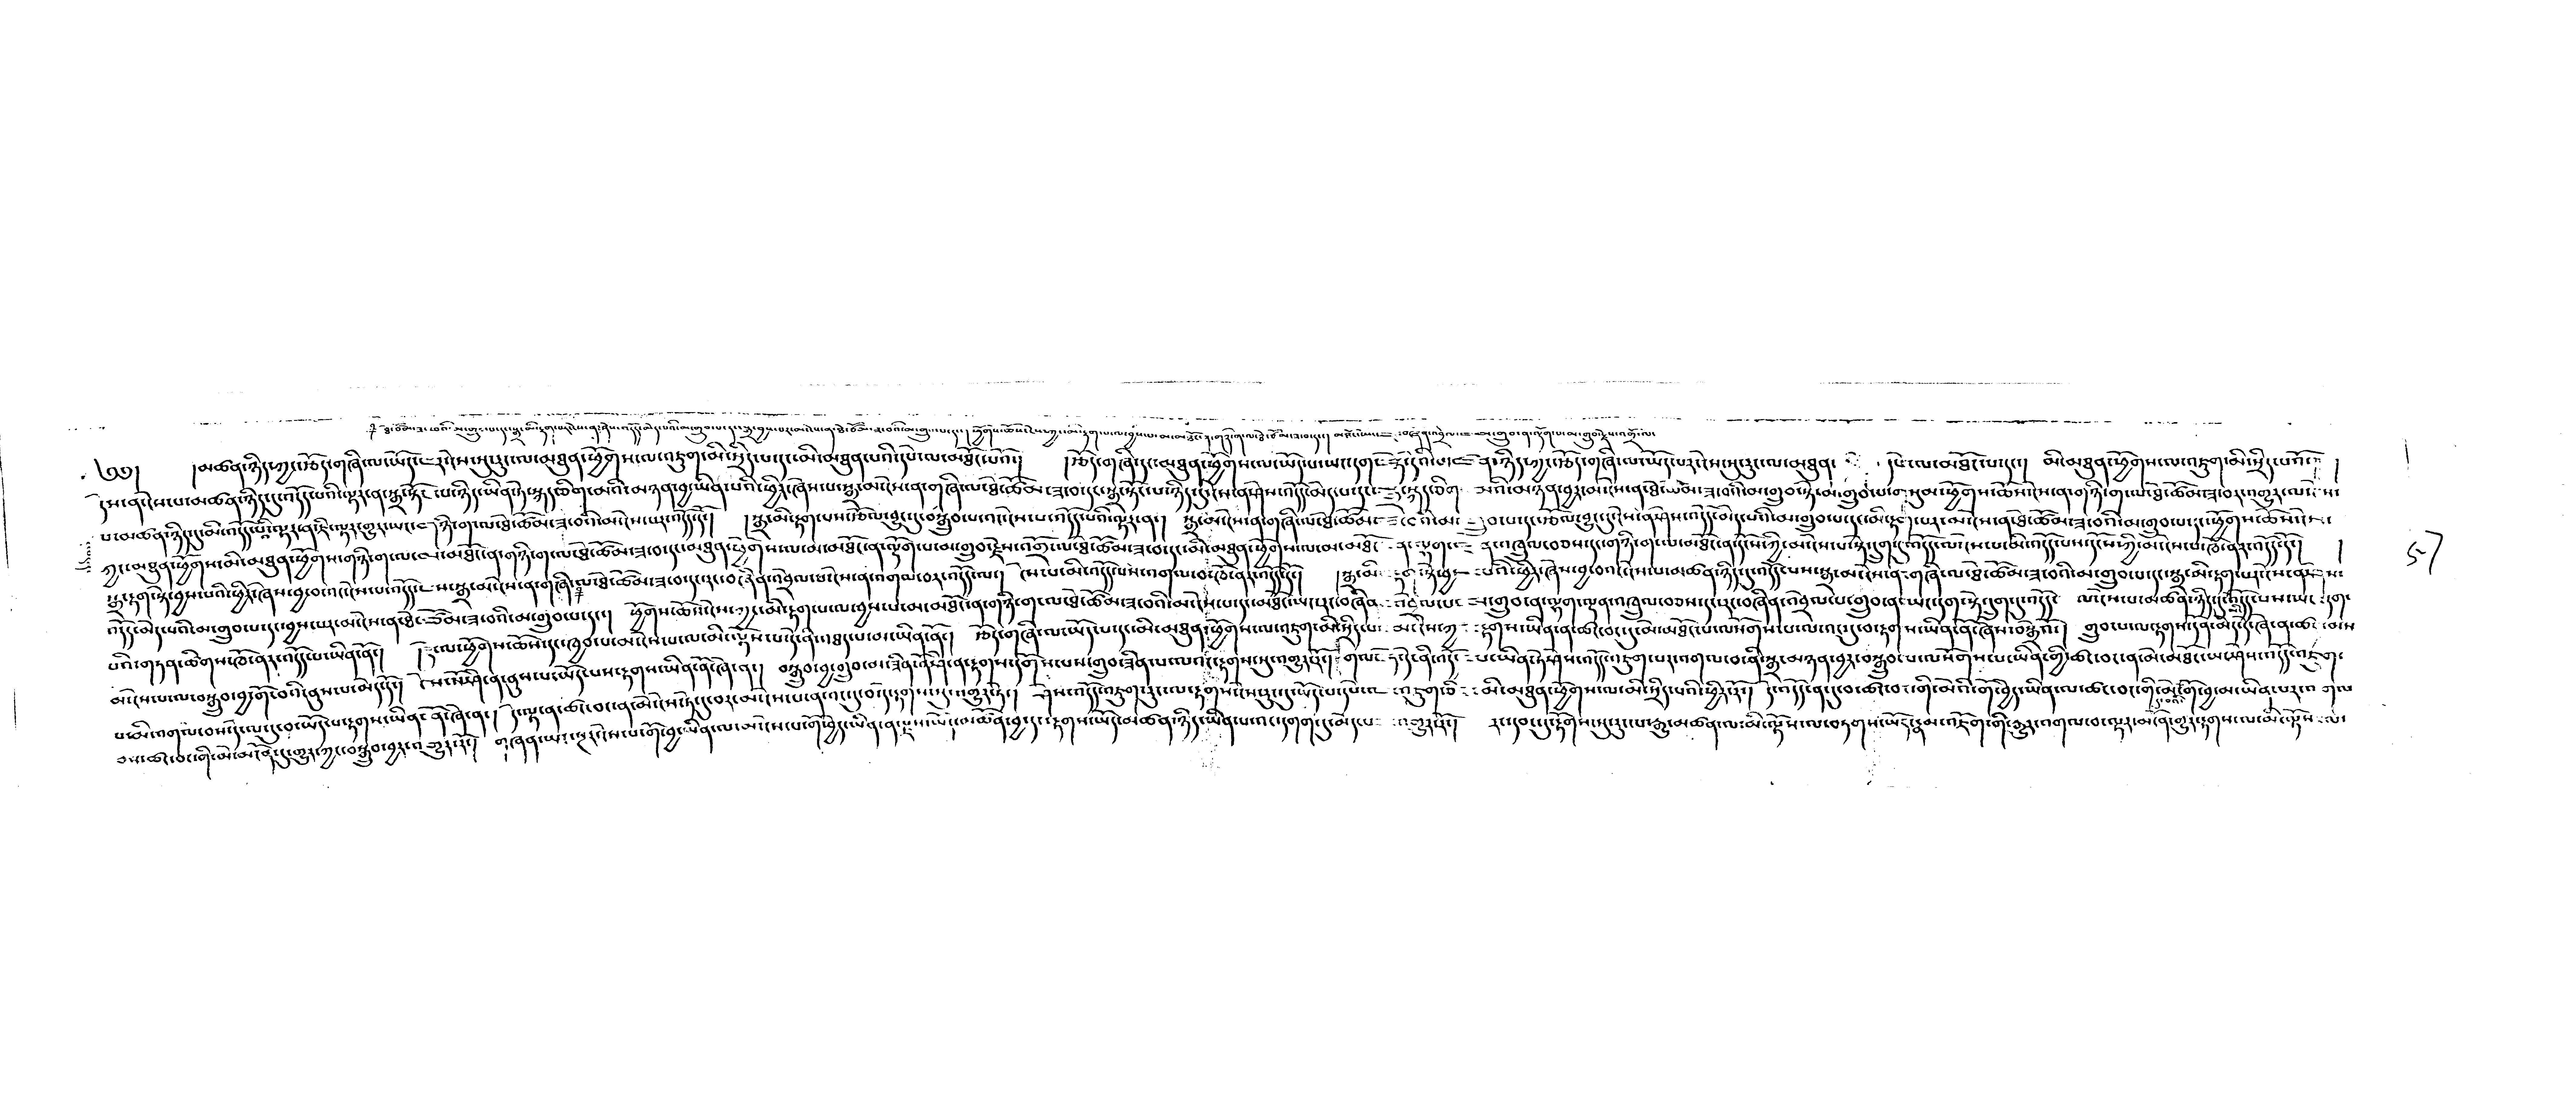༄༅། །མཚན་ཉིད་ཀྱང་རྩོད་གཞི་ལ་ཡོད་པར་ངེས་སུ་རུང་ལ་མཐུན་ཕྱོགས་ལ་འཇུག་མི་སྲིད་པ་དང་མི་མཐུན་པའི་དཔེ་ལ་མཐོང་པའོ། །རྩོད་གཞི་དང་མཐུན་ཕྱོགས་ལ་ཡོད་པ་ཡང་དག་པ་སྟེ་དེའི་མཚན་ཉིད་ཀྱང་རྩོད་གཞི་ལ་ཡོད་པར་ངེས་སུ་རུང་ལ་མཐུན་?་དཔེ་ལ་མཐོང་པ་དང་། མི་མཐུན་ཕྱོགས་ལ་འཇུག་མི་སྲིད་པའོ། །
དེས་ན་ངེས་པ་མཚན་ཉིད་དུ་འདོད་པའི་ལྟར་ན་སྒྲ་སྟོང་པ་ཉིད་ཡིན་ཏེ་སྐད་ཅིག་མའི་མཉན་བྱ་ཡིན་པའི་ཕྱིར་ཞེས་པ་སྒྲ་མ་ངེས་ན་གཞི་ལ་ཐེ་ཚོམ་ཟ་བ་དང་སྒྲ་སྟོང་པ་ཉིད་དུ་ངེས་ན་ཤེས་འདོད་མེད་པ་དང་སྒྲ་སྐད་ཅིག་མའི་མཉན་བྱར་མ་ངེས་ན་ཐེ་ཚོམ་ཟ་བའི་མ་གྲུབ་སྟེ་མ་གྲུབ་པ་གསུམ་ཕྱོགས་ཆོས་ངེས་ན་གཉི་ག་ལ་ཐེ་ཚོམ་ཟ་བར་འགྱུར་ལ་ངེས་
པ་མཚན་ཉིད་དུ་མི་འདོད་པའི་ལྟར་ན་ཇི་ལྟར་གྱུར་ཡང་གཉི་ག་ལ་ཐེ་ཚོམ་ཟ་བའི་མ་ངེས་པར་འདོད་དོ། །སྒྲ་མི་རྟག་པས་རྩོལ་བྱུང་དུ་བསྒྲུབ་པ་འང་ངེས་པ་འདོད་པའི་ལྟར་ན། སྒྲ་མ་ངེས་ན་གཞི་ལ་ཐེ་ཚོམ་ཟ་བའི་མ་གྲུབ་པ་དང་རྩོལ་བྱུང་དུ་ངེས་ན་ཤེས་འདོད་མེད་པའི་མ་གྲུབ་པ་དང་མི་རྟག་པར་མ་ངེས་ན་ཐེ་ཚོམ་ཟ་བའི་མ་གྲུབ་པ་དང་ཕྱོགས་ཆོས་ངེས་
ཀྱང་མཐུན་ཕྱོགས་མི་མཐུན་ཕྱོགས་གཉི་ག་ལ་མ་མཐོང་ན་གཉི་ག་ལ་ཐེ་ཚོམ་ཟ་བ་དང་མཐུན་ཕྱོགས་ལ་མ་མཐོང་ན་ལྡོག་པ་མ་གྲུབ་རྗེས་འགྲོ་ལ་ཐེ་ཚོམ་ཟ་བ་དང་མི་མཐུན་ཕྱོགས་ལ་མ་མཐོང་ན་ལྷག་?་འཁྲུལ་བཅས་དང་གཉི་ག་ལ་མཐོང་ན་དངོས་ཀྱི་མ་ངེས་པ་སྟེ་དྲུག་དུ་འདོད་ལ་ངེས་པ་མི་འདོད་པས་དངོས་ཀྱི་མ་ངེས་པ་ཁོ་ནར་འདོད་དོ། །
སྒྲ་རྟག་སྟེ་བྱས་པའི་ཕྱིར་ཞེས་བྱ་བ་འང་ངེས་པ་འདོད་པས་སྒྲ་མ་ངེས་ན་གཞི་ཐེ་ཚོམ་ཟ་བའི་མ་གྲུབ་པ་དང་སྒྲ་མི་རྟག་པར་ངེས་ན་ཤེས་འདོད་མེད་པའི་མ་གྲུབ་པ་དང་སྒྲ་བྱས་བར་མ་ངེས་པར་ཐེ་ཚོམ་ཟ་བའི་མ་གྲུབ་པ་དང་། ཕྱོགས་ཆོས་ངེས་ཀྱང་མི་རྟག་པ་ལ་བྱས་པ་མ་མཐོང་ན་གཉི་ག་ལ་ཐེ་ཚོམ་ཟ་བ་དང་། མཐོང་?་བཞིན་འབྲེལ་བ་མ་གྲུབ་ན་ལྡོག་པ་མ་གྲུབ་རྗེས་འགྲོ་ལ་ལ་ཐེ་ཚོམ་ཟ་བ་དང་རང་བཞིན་འབྲེལ་བ་ངེས་ན་འགལ་བར་འདོད་ལ། ངེས་པ་མི་འདོད་པས་འགལ་བ་ཁོ་ནར་འདོད་དོ། །སྒྲ་མི་བརྟག་སྟེ་བྱས་པའི་ཕྱིར་ཞེས་བྱ་བའང་ངེས་པ་མཚན་ཉིད་དུ་འདོད་པས་སྒྲ་མ་ངེས་ན་གཞི་ལ་ཐེ་ཚོམ་ཟ་བའི་མ་གྲུབ་པ་དང་སྒྲ་མི་རྟག་པར་ངེས་ན་ཤེས་
འདོད་མེད་པའི་མ་གྲུབ་པ་དང་བྱས་པར་མ་ངེས་ན་ཐེ་ཚོམ་ཟ་བའི་མ་གྲུབ་པ་དང་། ཕྱོགས་ཆོས་ངེས་ཀྱང་མི་རྟག་པ་ལ་བྱས་པ་མ་མཐོང་ན་གཉི་ག་ལ་ཐེ་ཚོམ་ཟ་བའི་མ་ངེས་པ་དང་མཐོང་ཡང་རང་བཞིན་འབྲེལ་པ་མ་གྲུབ་ན་ལྷག་ལྡན་འཁྲུལ་བཅས་དང་རང་བཞིན་འབྲེལ་པ་གྲུབ་ན་ཡང་དག་སྟེ་དྲུག་དུ་འདོད་ལ་ངེས་པ་མཚན་ཉིད་དུ་མི་འདོད་པས་ཡང་དག་
པའི་གཏན་ཚིགས་ཁོ་ནར་འདོད་པ་ཡིན་ནོ། །དེ་ལ་ཕྱོགས་ཆོས་དང་ཁྱབ་པ་མ་ངེས་པ་ལ་མི་ལྟོས་པ་དེ་ནི་འཐད་པ་མ་ཡིན་ནོ། རྩོད་གཞི་ལ་ཡོད་པ་དང་མི་མཐུན་ཕྱོགས་ལ་འཇུག་མི་སྲིད་པ་མ་ངེས་ཀྱང་རྟགས་ཡིན་ན་ཚང་བང་དུ་མེ་མཐོང་པ་ལ་སོགས་པ་ལ་འང་དུ་བ་རྟགས་ཡིན་ནོ་ཞེས་བསྒྲེའོ། གྲུབ་པ་ལ་རྟགས་དོན་མེད་དོ་ཞེ་ན་ཚང་མས་
མ་ངེས་པ་ལ་བསྒྲུབ་བྱ་གོ་བའི་ནུས་པ་མེད་དོ། ངེས་སོ་ཤེ་ན་ནུས་པ་ཡོད་པས་རྟགས་ཡིན་ནོ་ཞེ་ན། བསྒྲུབ་བྱ་གྲུབ་མ་ཟིན་ནོ་ཤེ་ན་རྟགས་དགོས་པས་གྲུབ་ཟིན་པ་ལའང་རྟགས་སུ་འགྱུར་རོ། གལ་ཏེ་དེ་ནི་འདོད་པ་ཡིན་ཏེ་ཤེས་འདོད་འཇུག་པར་འགལ་བ་ནི་སྒྲ་མཉན་བྱར་བསྒྲུབ་པ་ལ་སོགས་པ་ཡིན་གྱི་ཚང་བང་ན་མེ་མཐོང་ཡང་ཤེས་འདོད་འཇུག་
པ་མི་འགལ་བས་དེ་ལ་དུ་བ་ཡོད་པ་རྟགས་ཡིན་ནོ་ཞེ་ན། དེ་ལྟ་ན་ཚང་བང་ན་མེ་ངེས་ཏེ་དུ་བར་མ་ངེས་པ་ན་འང་དུ་བ་དེ་རྟགས་སུ་འགྱུར་ཏེ། ཤེས་འདོད་འཇུག་རུང་ལ་རྟགས་ངེས་རུང་དུ་ཡོད་པ་དཔེ་ལ་འཇུག་ཅིང་མི་མཐུན་ཕྱོགས་ལ་མི་སྲིད་པའི་ཕྱིར་རོ། དེ་འདོད་ན་དུ་བ་ཚང་བང་གི་མེའི་གོ་བྱེད་ཡིན་ལ་ཚང་བང་གི་མེ་དུ་བའི་གོ་བྱ་མ་ཡིན་པར་འགལ་
བས་ཚང་བང་གི་མེ་མངོན་དུ་གྱུར་ཀྱང་བསྒྲུབ་བྱར་འགྱུར་རོ། གཞན་ཡང་སྔར་ངེས་པ་གོ་བྱ་ཡིན་ལ་མ་ངེས་པ་གོ་བྱེད་ཡིན་ན་རྫས་ཡོད་མཚོན་བྱ་དང་རྟགས་ཡོད་མཚན་ཉིད་ཡིན་པ་འང་དགག་དུ་མེད་པར་འགྱུར་རོ། རང་དབང་དུ་རྟོགས་སུ་རུང་པ་རྒྱུ་མཚན་ལ་མི་ལྟོས་ལ་བཏགས་ཡོད་རྣམ་འཇོག་གི་རྒྱུར་འགལ་བ་ལྟར་མངོན་གྱུར་རྟགས་ལ་མི་ལྟོས་ལ་